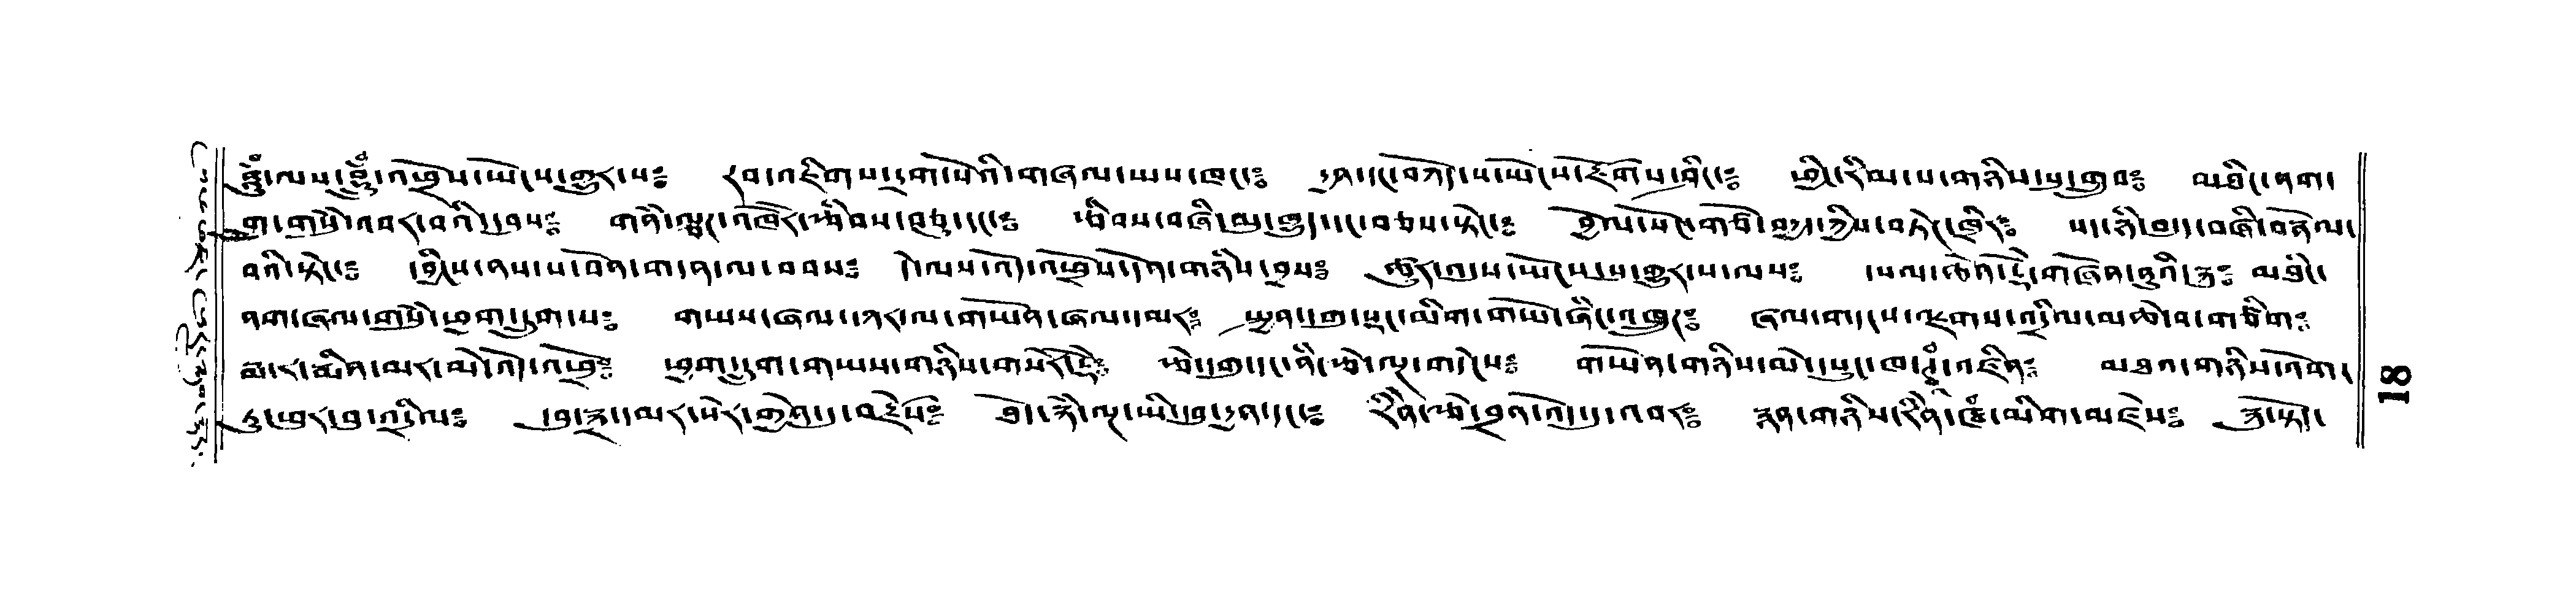ཧཱུྃ་ལས་བྷྲཱུྃ་འཕྲོས་ཡོངས་གྱུར་པ༔ རབ་འཇིགས་དྲག་པོའི་གཞལ་ཡས་ཁང༔ རྒྱན་དང་བཀོད་པ་ཡོངས་རྫོགས་ཤིང༔ ཕྱི་ནང་རིམ་པ་གཉིས་སུ་གྲུབ༔ མཐིང་ནག་
གྲུ་གསུམ་འབར་བའི་དབུས༔ གནམ་ལྕགས་འཁོར་ལོ་རྩིབས་བཅུ་དང༔ རྩིབས་བཞི་མུ་ཁྱུད་དང་བཅས་སྟེང༔ བྱོལ་སོང་གཙོ་བརྒྱད་ཀྱིས་བཏེགས་ཁྲིར༔ པད་ཉི་བདུད་བཞི་བསྣོལ་
བའི་སྟེང༔ དབྱིངས་ནས་ས་བོན་གདན་ལ་བབས༔ དེ་ལས་འོད་འཕྲོས་དོན་གཉིས་བྱས༔ ཚུར་འདུས་ཡོངས་སུ་གྱུར་པ་ལས༔ དཔལ་ཆེན་རྡོ་རྗེ་གཞོན་ནུའི་སྐུ༔ མཐིང་
ནག་ཞལ་གསུམ་ཕྱག་དྲུག་པ༔ གཡས་ཞལ་དཀར་ལ་གཡོན་ཞལ་དམར༔ སྤྱན་དགུ་སྡང་མིག་གཡོ་ཞིང་འཁྲུགས༔ ཞལ་གདངས་ལྗགས་འདྲིལ་མཆེ་བ་གཙིགས༔ 
སྨ་ར་སྨིན་མར་མེ་འོད་འཕྲོ༔ ཕྱག་དྲུག་གཡས་གཉིས་གསེར་རྡོ་རྗེ༔ རྩེ་དགུ་དང་ནི་རྩེ་ལྔ་གདེངས༔ གཡོན་གཉིས་མེ་དཔུང་ཁ་ཊཱཾ་འཛིན༔ མཐའ་གཉིས་འོག་
ཏུ་ཕུར་བུ་འདྲིལ༔ དབུ་སྐྲ་དམར་སེར་གྱེན་དུ་བརྫེས༔ ཐོད་སྐམ་ལྔ་ཡི་དབུ་རྒྱན་དང༔ རིན་ཆེན་རྩེ་བྲན་འོད་དུ་འབར༔ སྙན་གཉིས་རིན་ཆེན་ཝང་མིག་མཛེས༔ སྐུ་སྟོད་